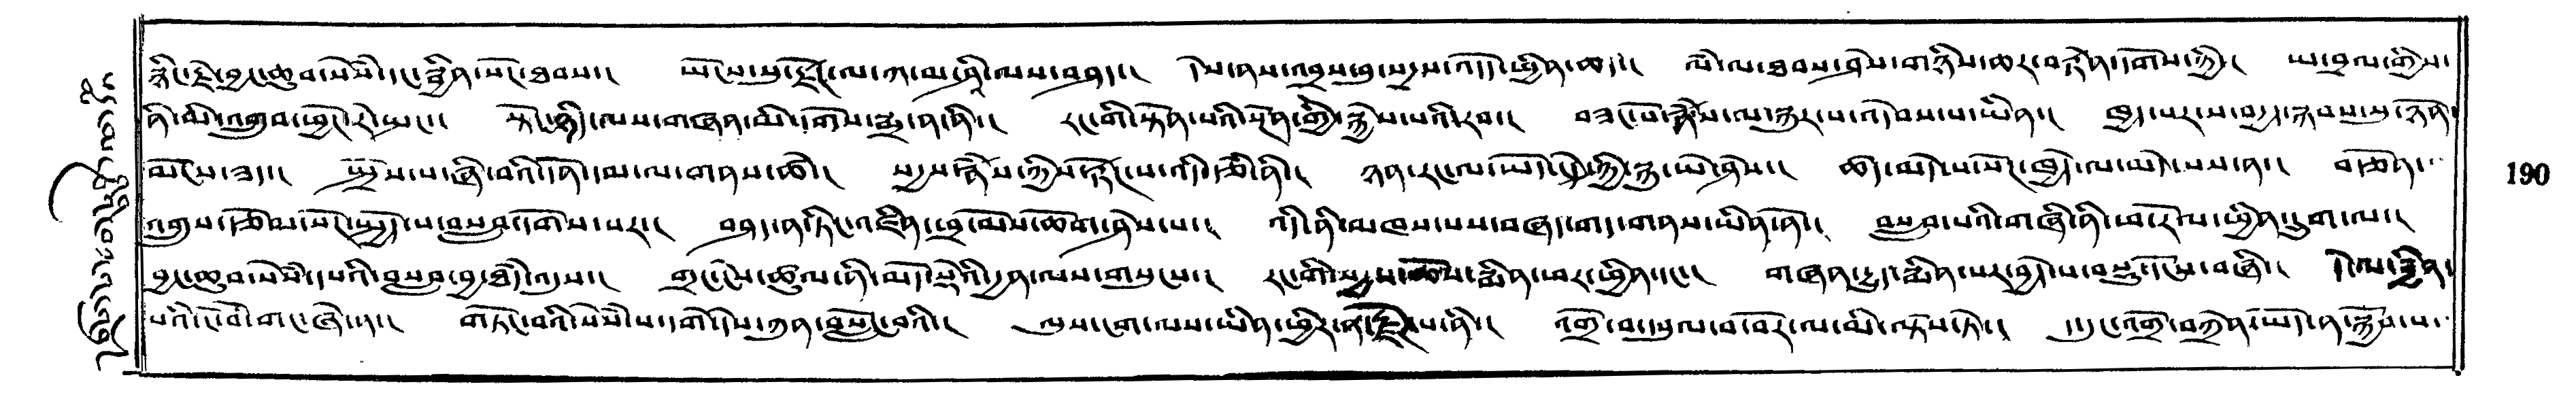སྙིང་རྗེ་བྱང་ཆུབ་སེམས་དང་སྦྱིན་སོགས་ཐབས། །ཡོངས་སུ་རྫོགས་ལ་ཀ་མ་ཤཱི་ལས་བཤད། །དེས་ནས་འབྲས་བུ་སངས་རྒྱས་འདོད་ཕྱིན་ཆད། །ལམ་ལ་ཐབས་ཤེས་གཉིས་ཆར་བརྟེན་དགོས་ཀྱི། །ཡ་བྲལ་གྱིས་
ནི་མི་འགྲུབ་ཕྱོགས་རེ་སྤང་། །སྟོང་ཉིད་ལས་གཞན་མི་དགོས་སྨྲ་ན་ནི། །རང་གི་སྟོན་པའི་སྔོན་གྱི་སྐྱེས་པའི་རབས། །བཟང་པོ་རྣམས་ལ་སྐུར་བ་འདེབས་པ་ཡིན། །ཁྱད་པར་ས་བརྒྱད་སྐབས་སུ་ཉོན་
མོངས་ཟད། །སྤྲོས་པ་ཞི་བའི་དོན་དམ་ལ་གནས་ཚེ། །སངས་རྒྱས་རྣམས་ཀྱིས་རྟོགས་པ་འདི་ཙམ་ནི། །ཉན་རང་ལ་ཡོད་ངེད་ཀྱི་སྐུ་ཡེ་ཤེས། །ཚད་མེད་པ་སོགས་ཁྱེད་ལ་མེད་པས་ན། །བརྩོན་
འགྲུས་རྩོམ་སོགས་སྤྱོད་པ་བསླབ་དགོས་པར། །བཤད་ན་ཏིང་འཛིན་ཕྲ་མོས་ཆོག་ཤེས་པ། །འདི་ནི་མཁས་པའི་བཞད་གད་གནས་ཡིན་ནོ། །བསླབ་པའི་གཞི་ནི་ཕ་རོལ་ཕྱིན་དྲུག་ལ། །
བྱང་ཆུབ་སེམས་དཔའི་བསླབ་བྱ་ཐམས་ཅད་འདུས། །གྲང་ངེས་ཚུལ་ནི་མདོ་སྡེའི་རྒྱན་ལས་གསུངས། །རང་གི་སངས་རྒྱས་ཆོས་སྨིན་ཕར་ཕྱིན་དང་། །གཞན་རྒྱུད་སྨིན་པར་བྱེད་པ་བསྡུ་དངོས་བཞི། །དེ་ལ་སྦྱིན་
པའི་ངོ་བོ་གང་ཞེ་ན། །གཏོང་བའི་སེམས་པ་དགེ་དེས་ཀུན་སློང་བའི། །ལུས་ངག་ལས་ཡིན་ཕྱིར་ན་རྫོགས་པ་ནི། །འགྲོ་བ་དབུལ་བ་བོར་ལ་མི་ལྟོས་ཏེ། །ད་དུང་འགྲོ་བཀྲེན་ཡོད་ན་སྐྱོབ་པ་